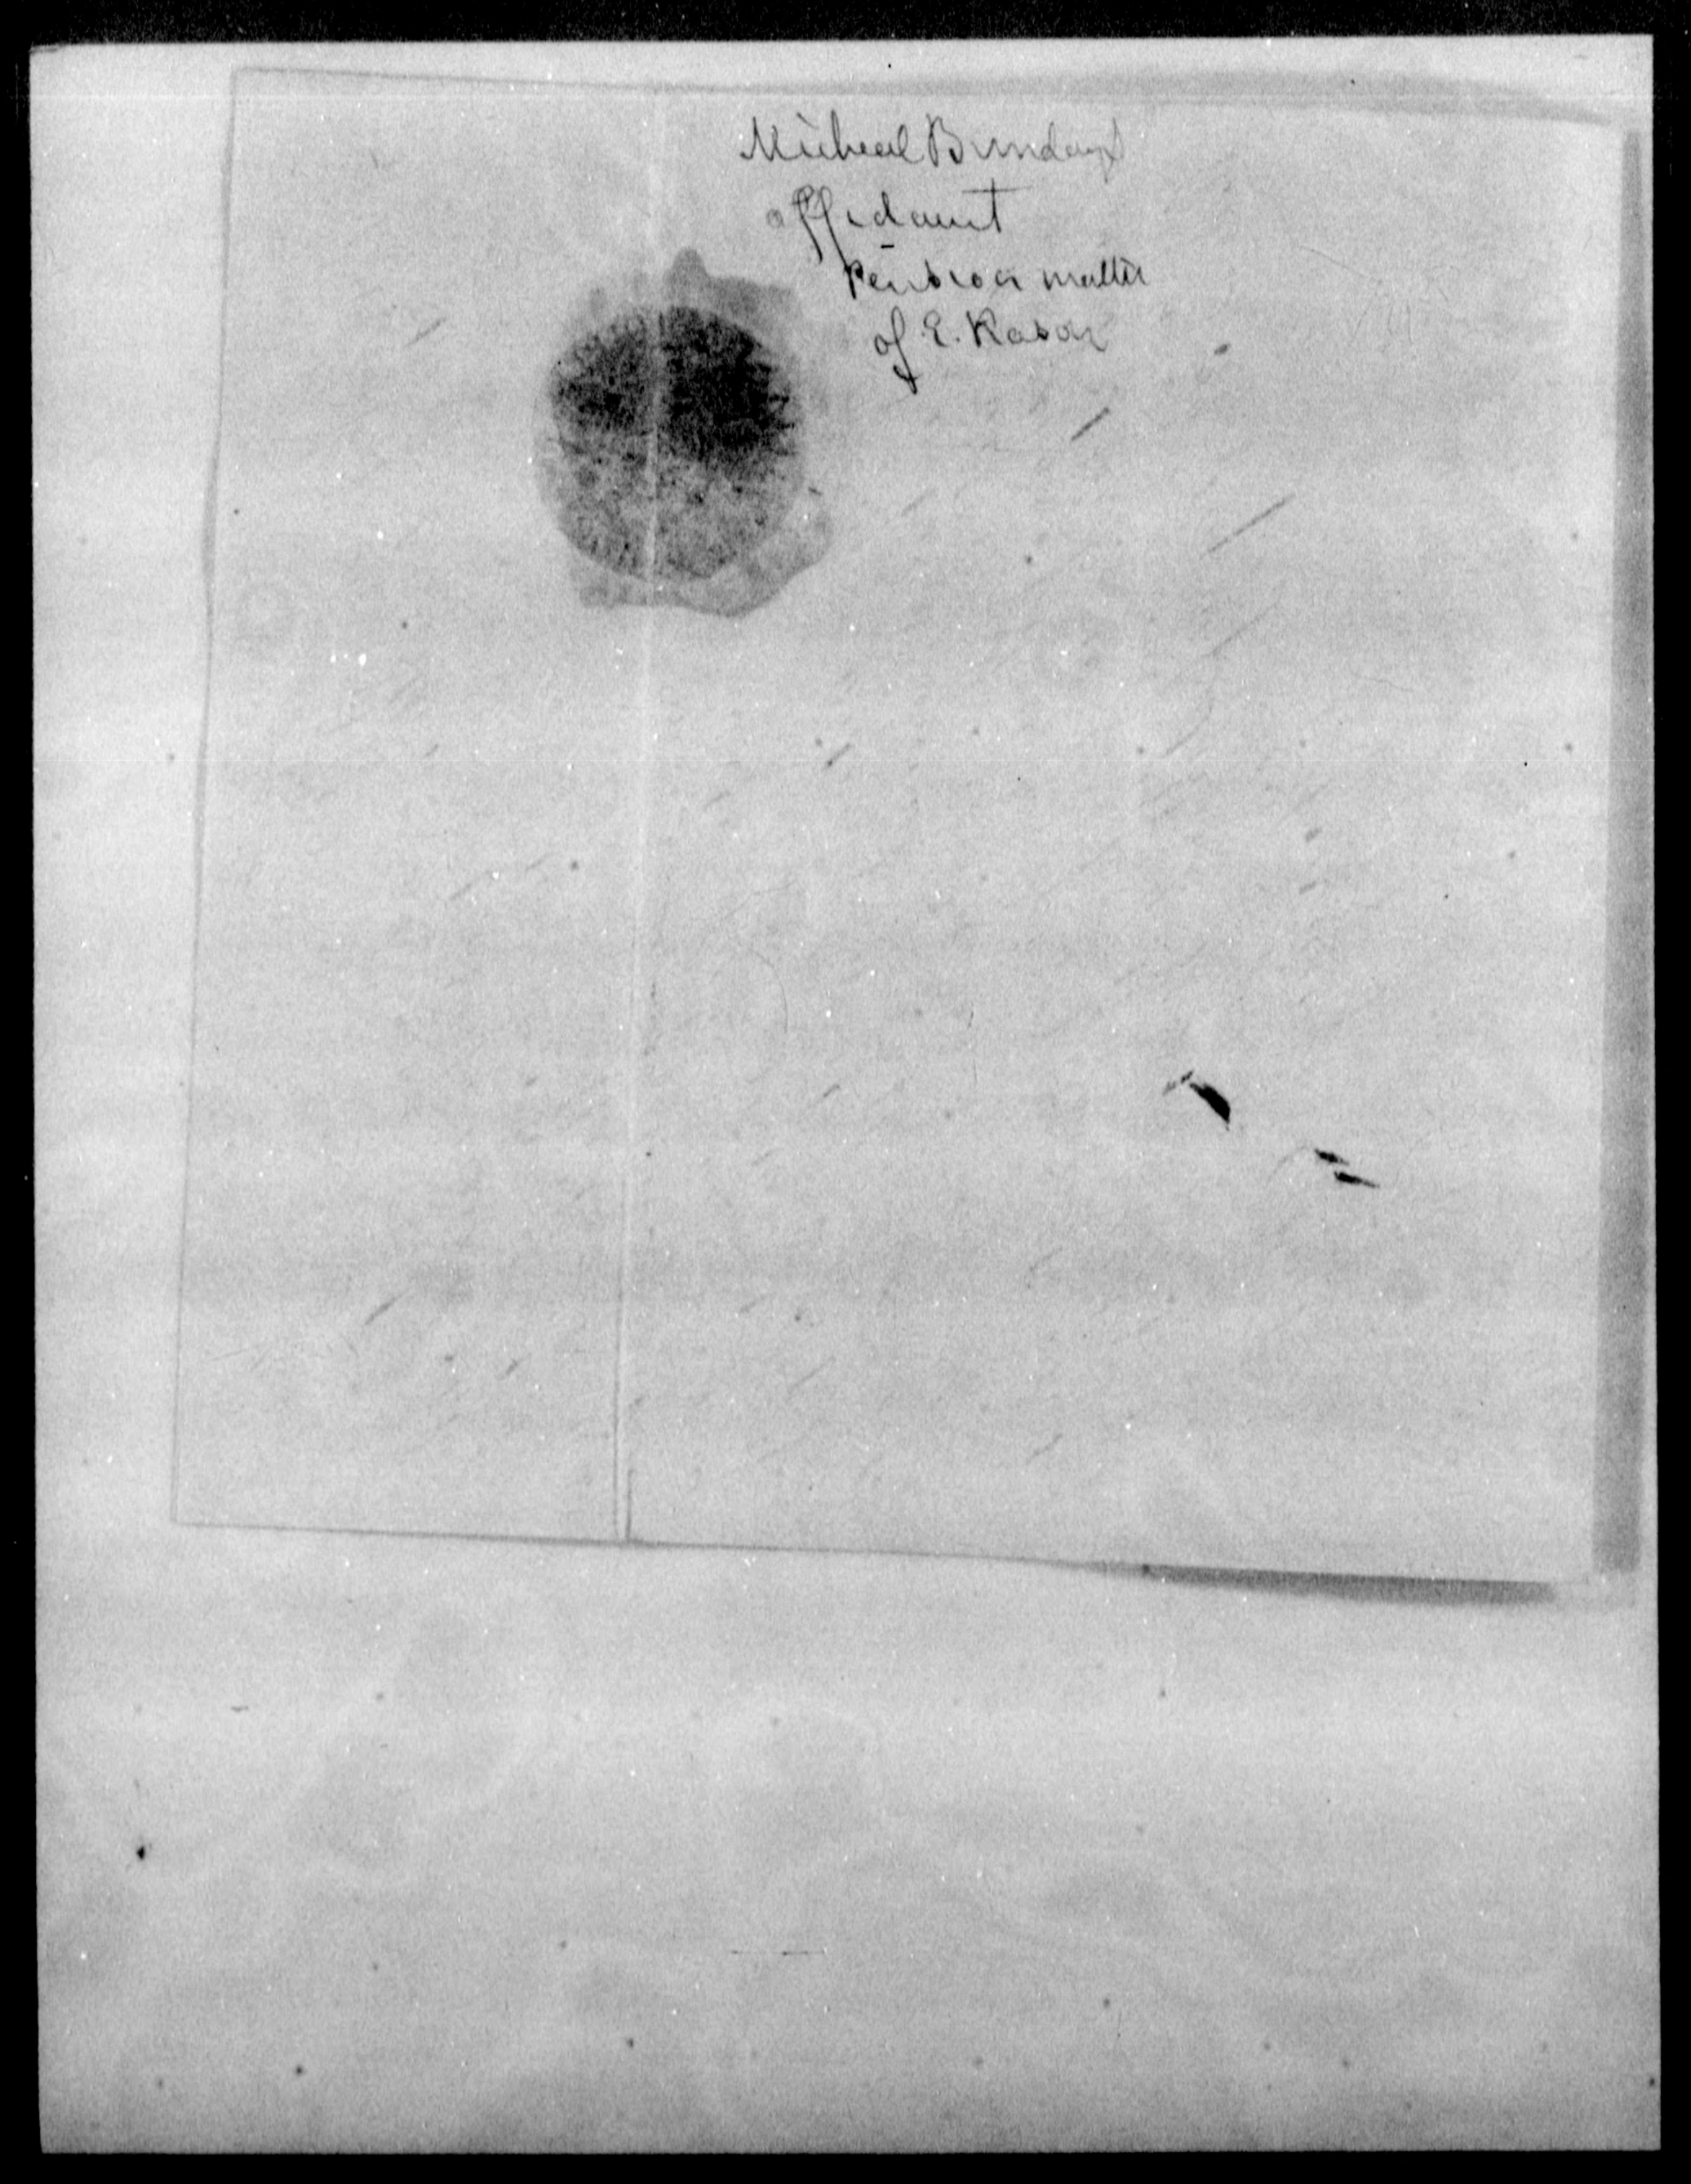Micheal Bunday
affidavit
Pension matter
of E. Rason (Razar)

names: Micheal Bunday; E Rasar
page: 13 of 30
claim: rejected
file: R. 8625, for Elisha Razar, Connecticut